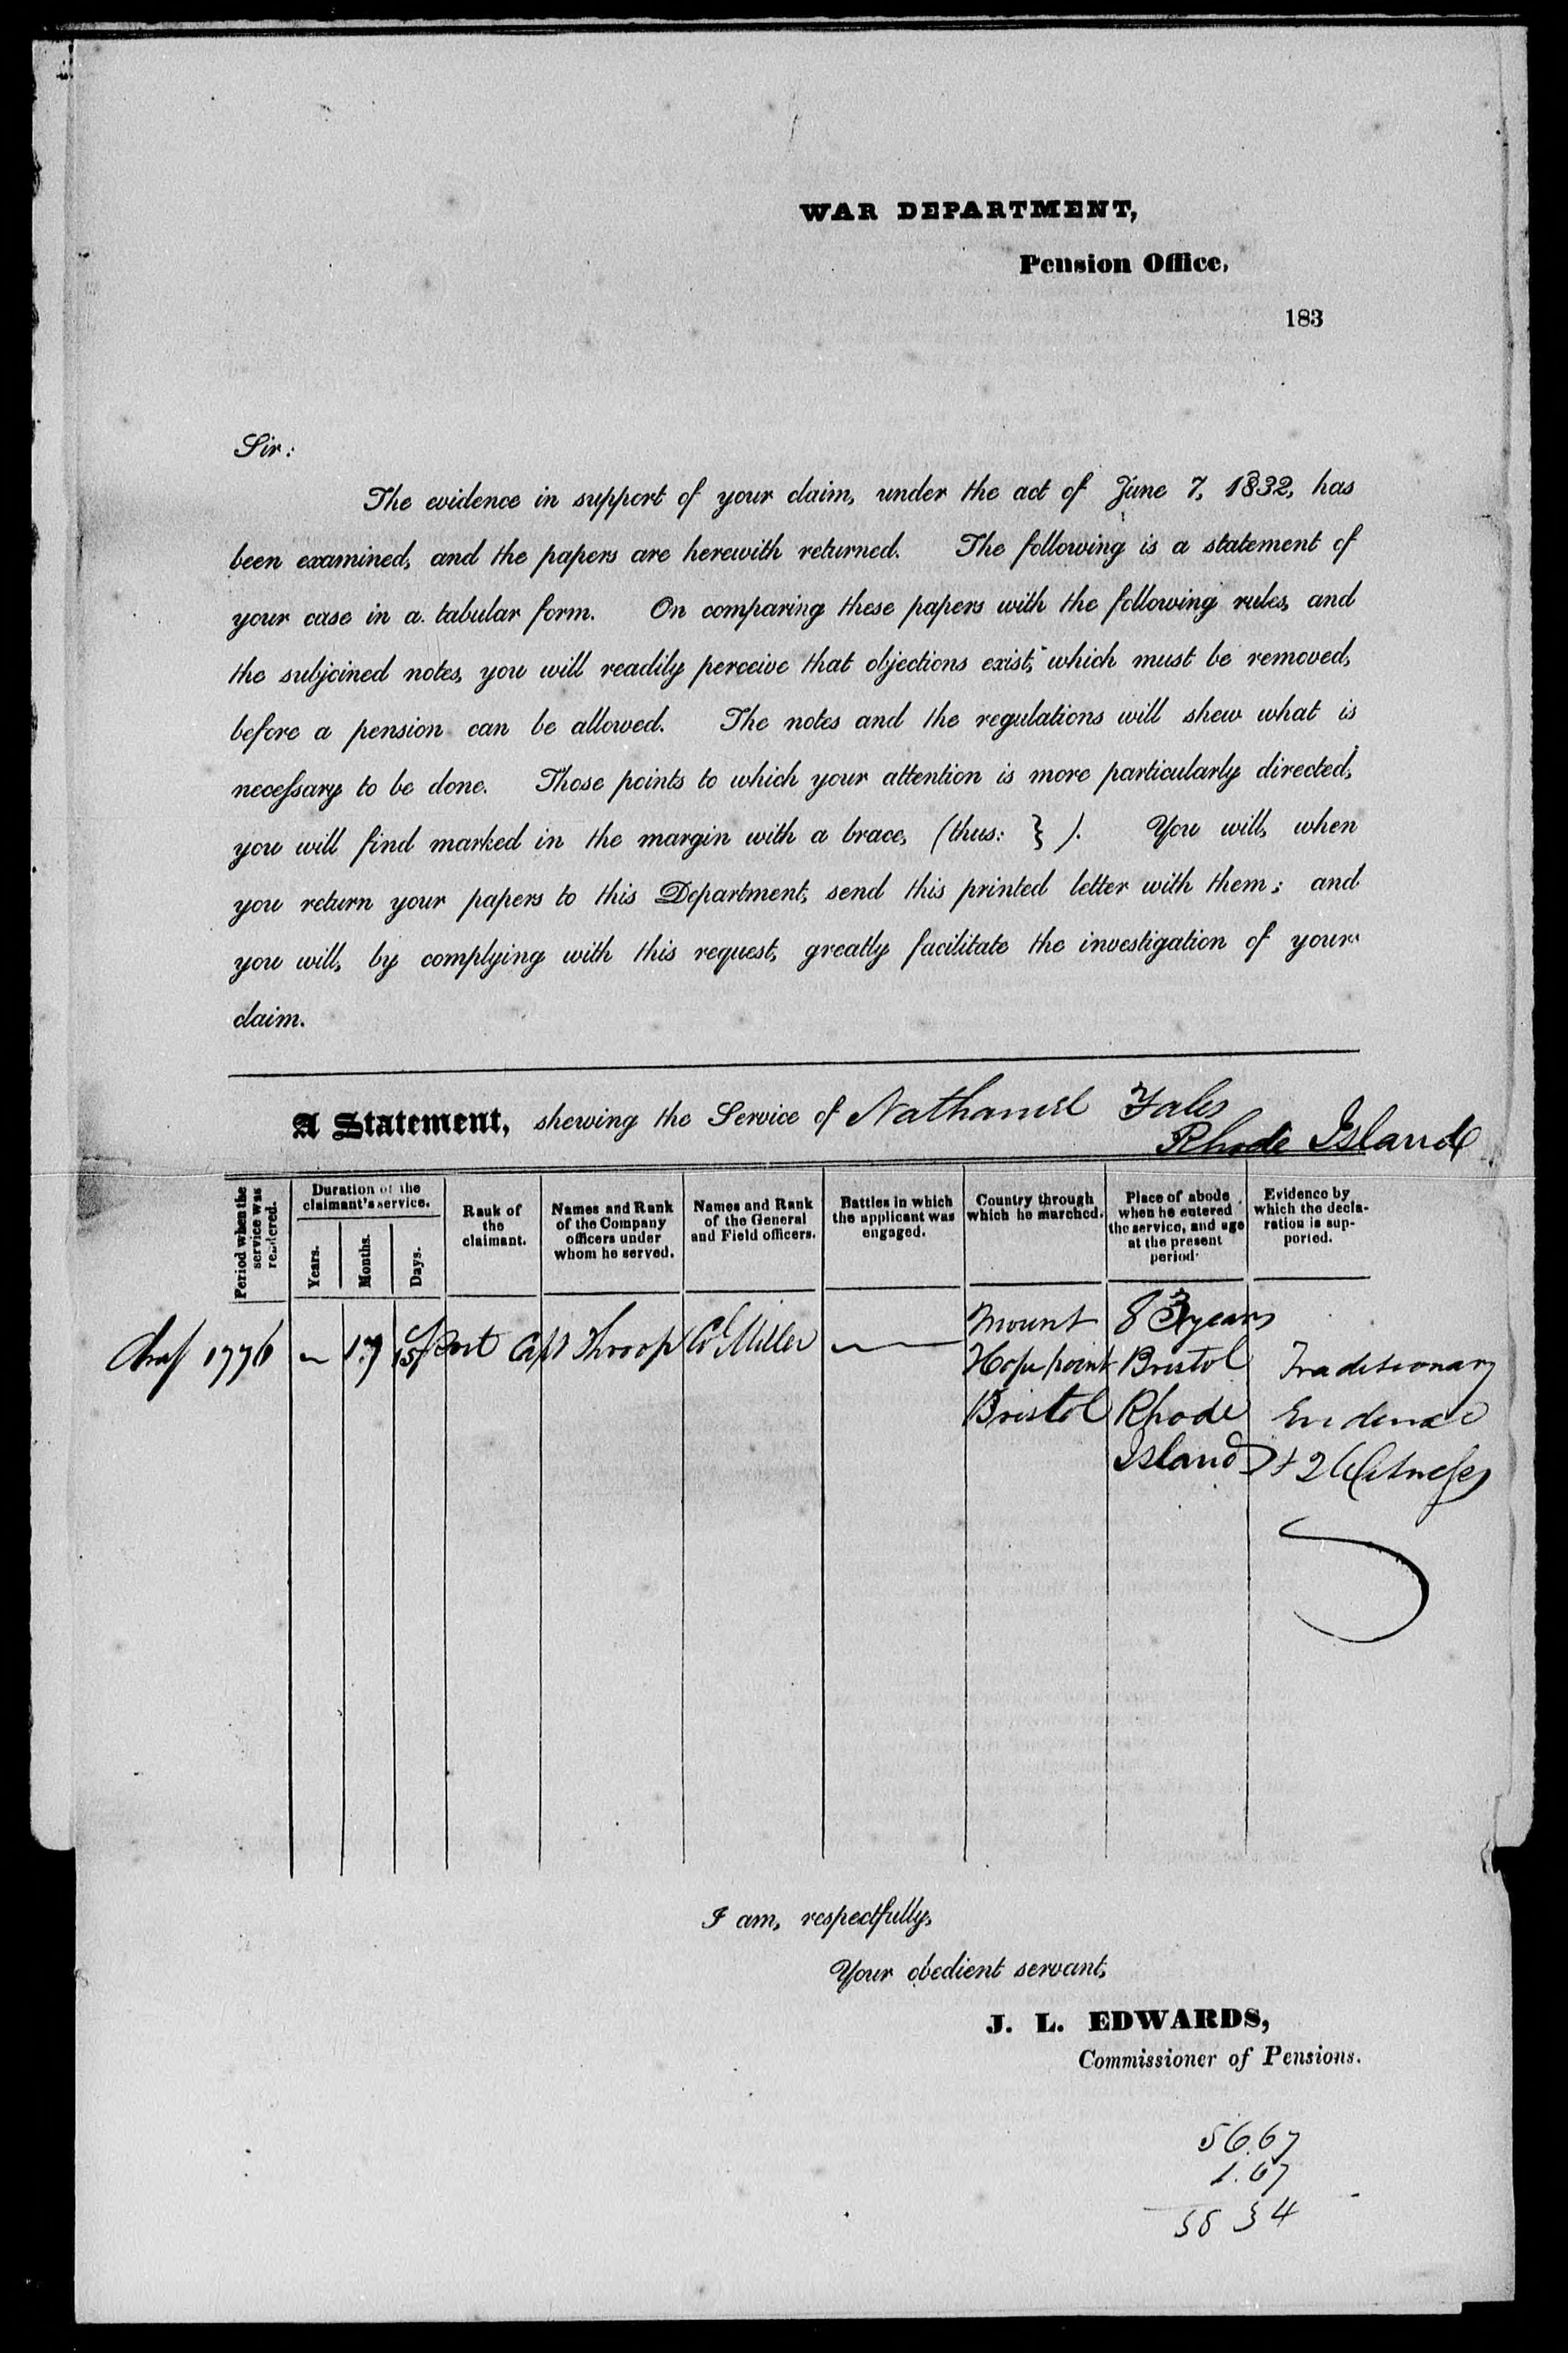WAR DEPARTMENT.
Pension Office,
183
Sir:
The evidence in support of your claim, under the act of June 7, 1832, has been examined, and the papers are herewith returned. the following is a statement of your case in a tabular form. On comparing these papers with the following rules and the subjoined notes, you will readily perceive that objections exist, which must be removed, before a pension can be allowed. The notes and the regulations will show what is necessary to be done. Those points to which your attention is more particularly directed, you will find marked in the margin with a brace, (thus : } ). You will, when you return your papers to this Department, send this printed letter with them; and you will, by complying with this request, greatly facilitate the investigation of your claim.
___________________________________________
A Statement, showing the Service of Nathaniel Fales Rhode Island
[eight column table follows}
Period when the Service was recorded - years 17 months 15 days
Rank of the claimant. Prt
Names and rank of the Company officers under whom he served. Capt Throop
Names and rank of the General and Field officers. Col Miller
Battles in which the applicant was engaged. --
Country through which he marched. Mount Hope point Bristol
Place of abode when he entered the service, and age at the present period. 83 years Bristol Rhode Island 
Evidence by which the declaration is supported. Traditionary Evidence +2 witnesses [then swirl]
I am, respectfully, Your obedient servant, J. L. EDWARDS, Commissioner of Pensions.

56.67
 1.67
[underline]
5834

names: Miller, Nathaniel Fales, Throop, J L Edwards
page: 8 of 32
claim: widow's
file: W. 24,173, Nathaniel Fales, R.I.